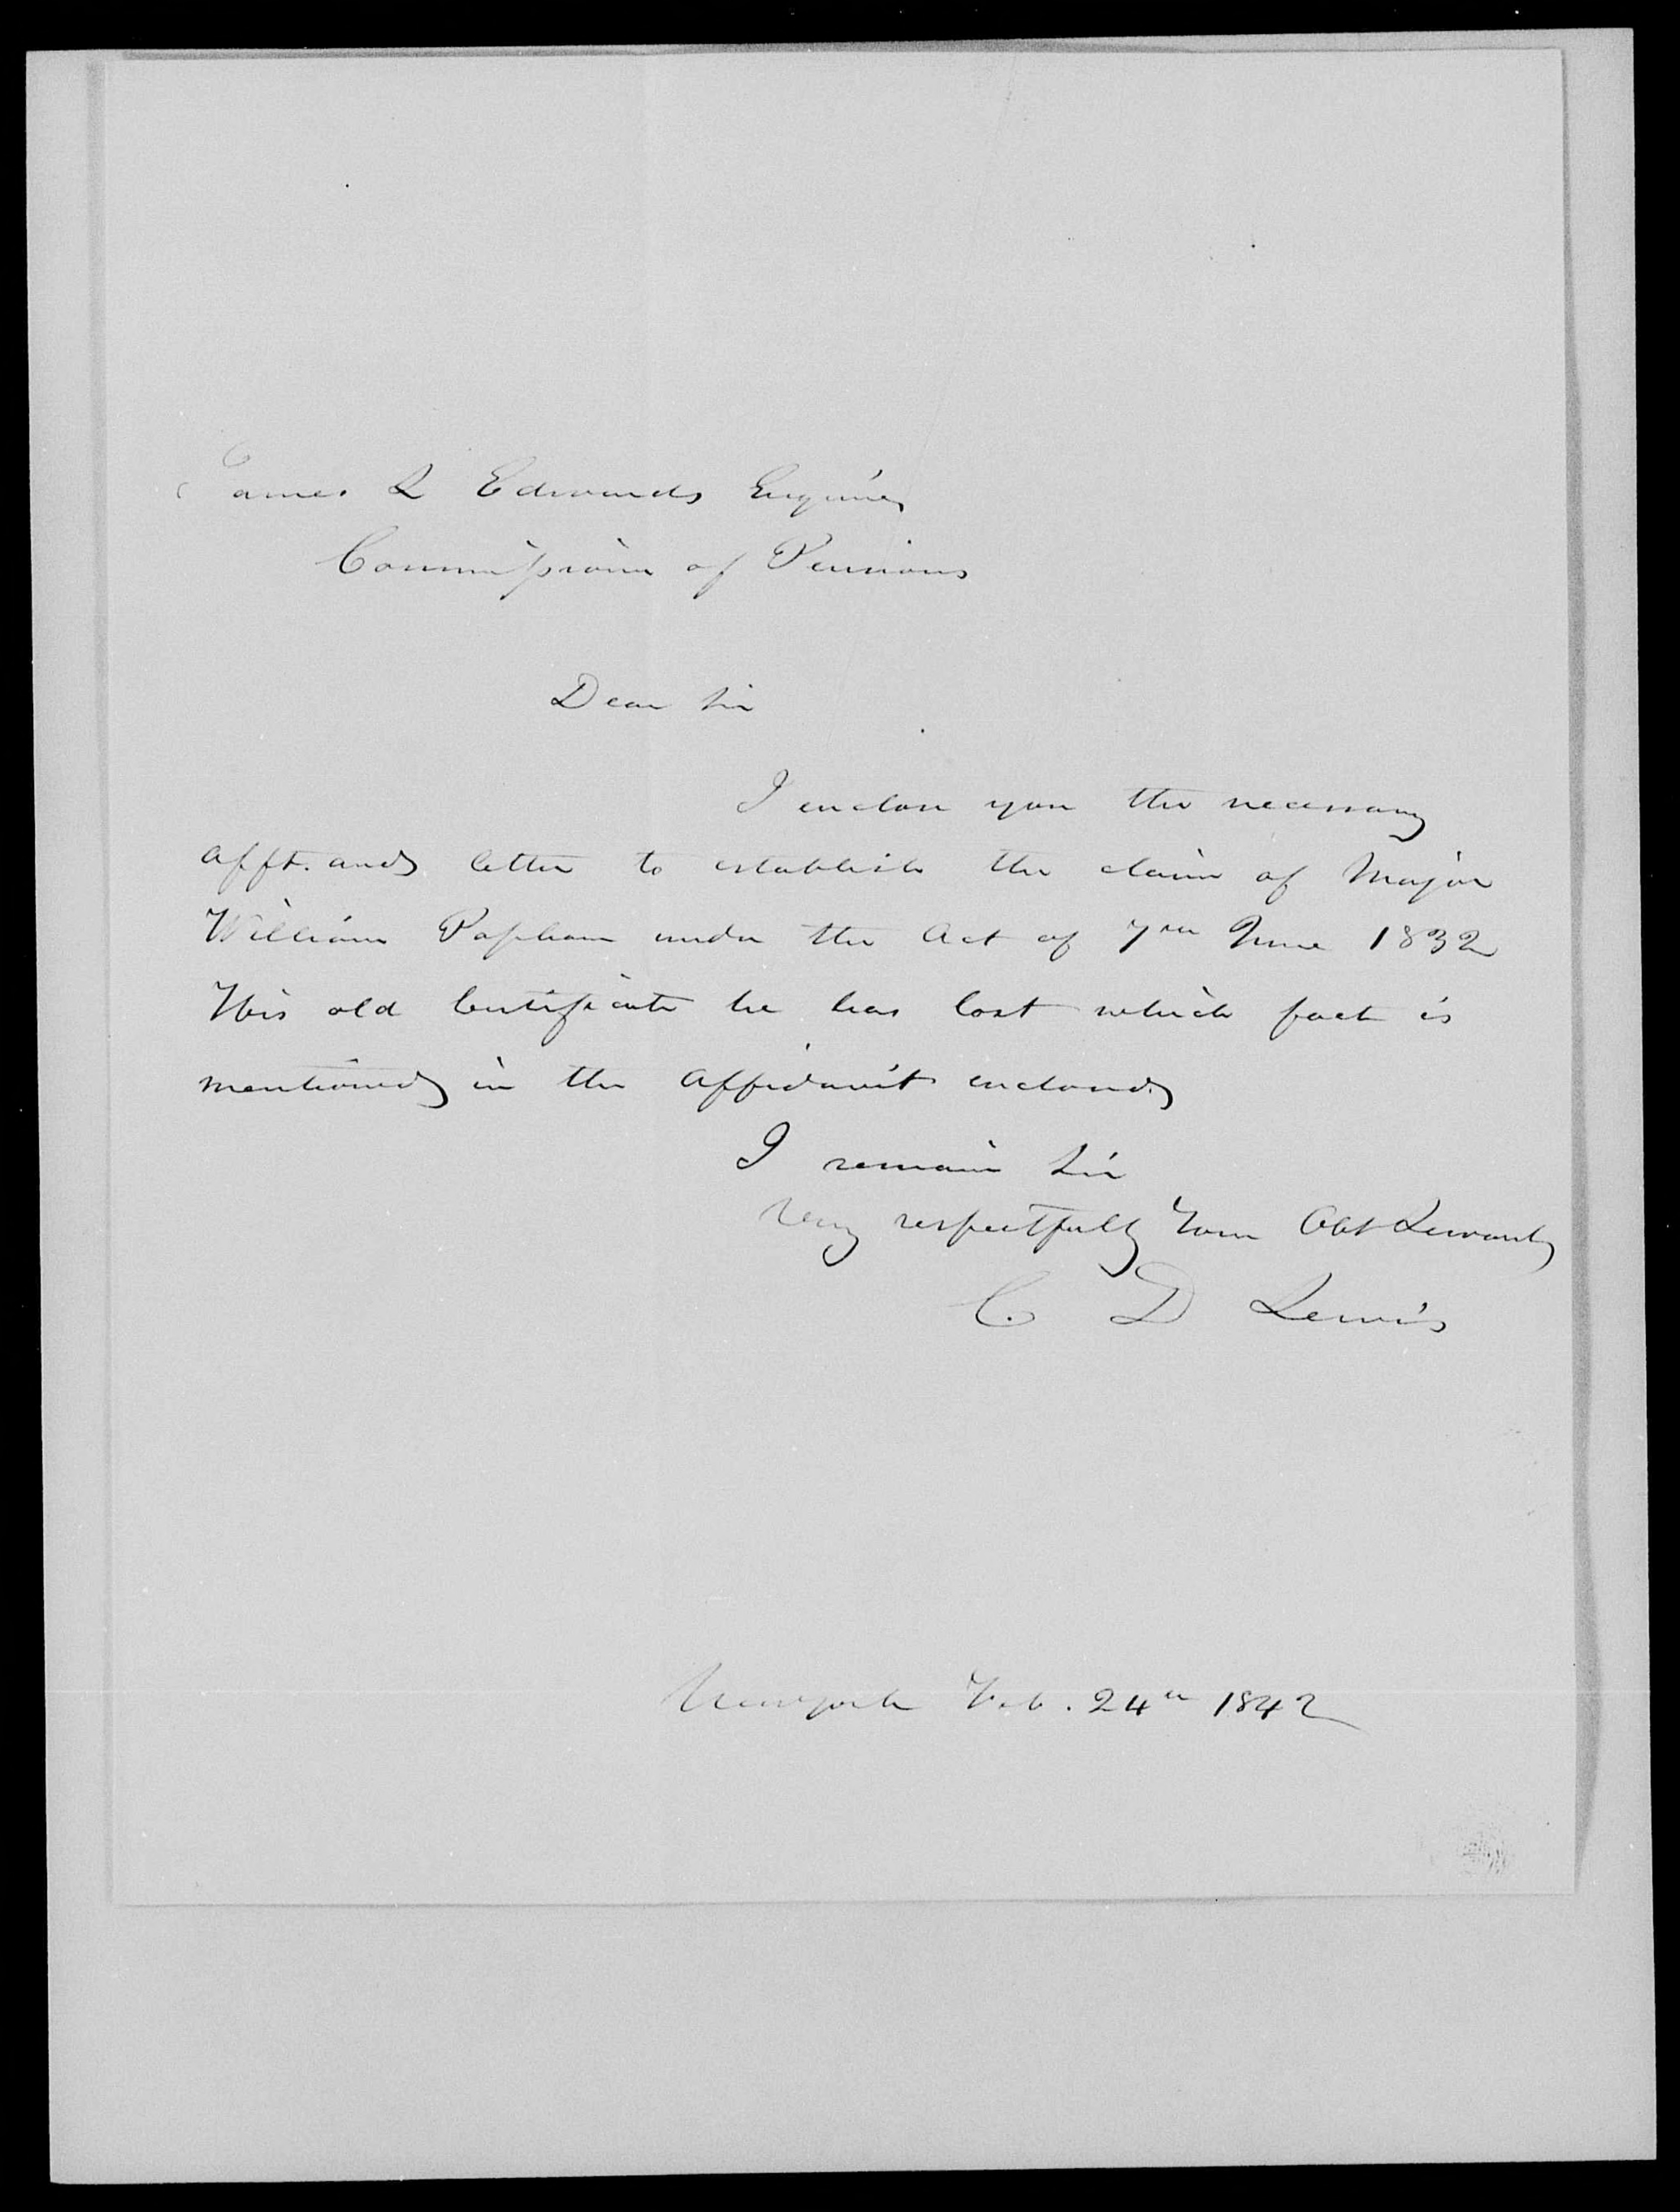James L Edwards Esquire
Commissioner of Pensions
Dear Sir

I enclose you the necessary
Afft. and letter to establish the claim of Major
William Popham under the act of 7th June 1832
This old certificate he has lost which fact is
mentioning in the affidavit enclosed
I remain his
Very respectfully hum Obt Servant
C D Lewis
New York Feb. 24th 1842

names: C D Lewis; William Popham; James L Edwards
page: 27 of 75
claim: survivor's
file: S. 9989, for William Popham, Delaware